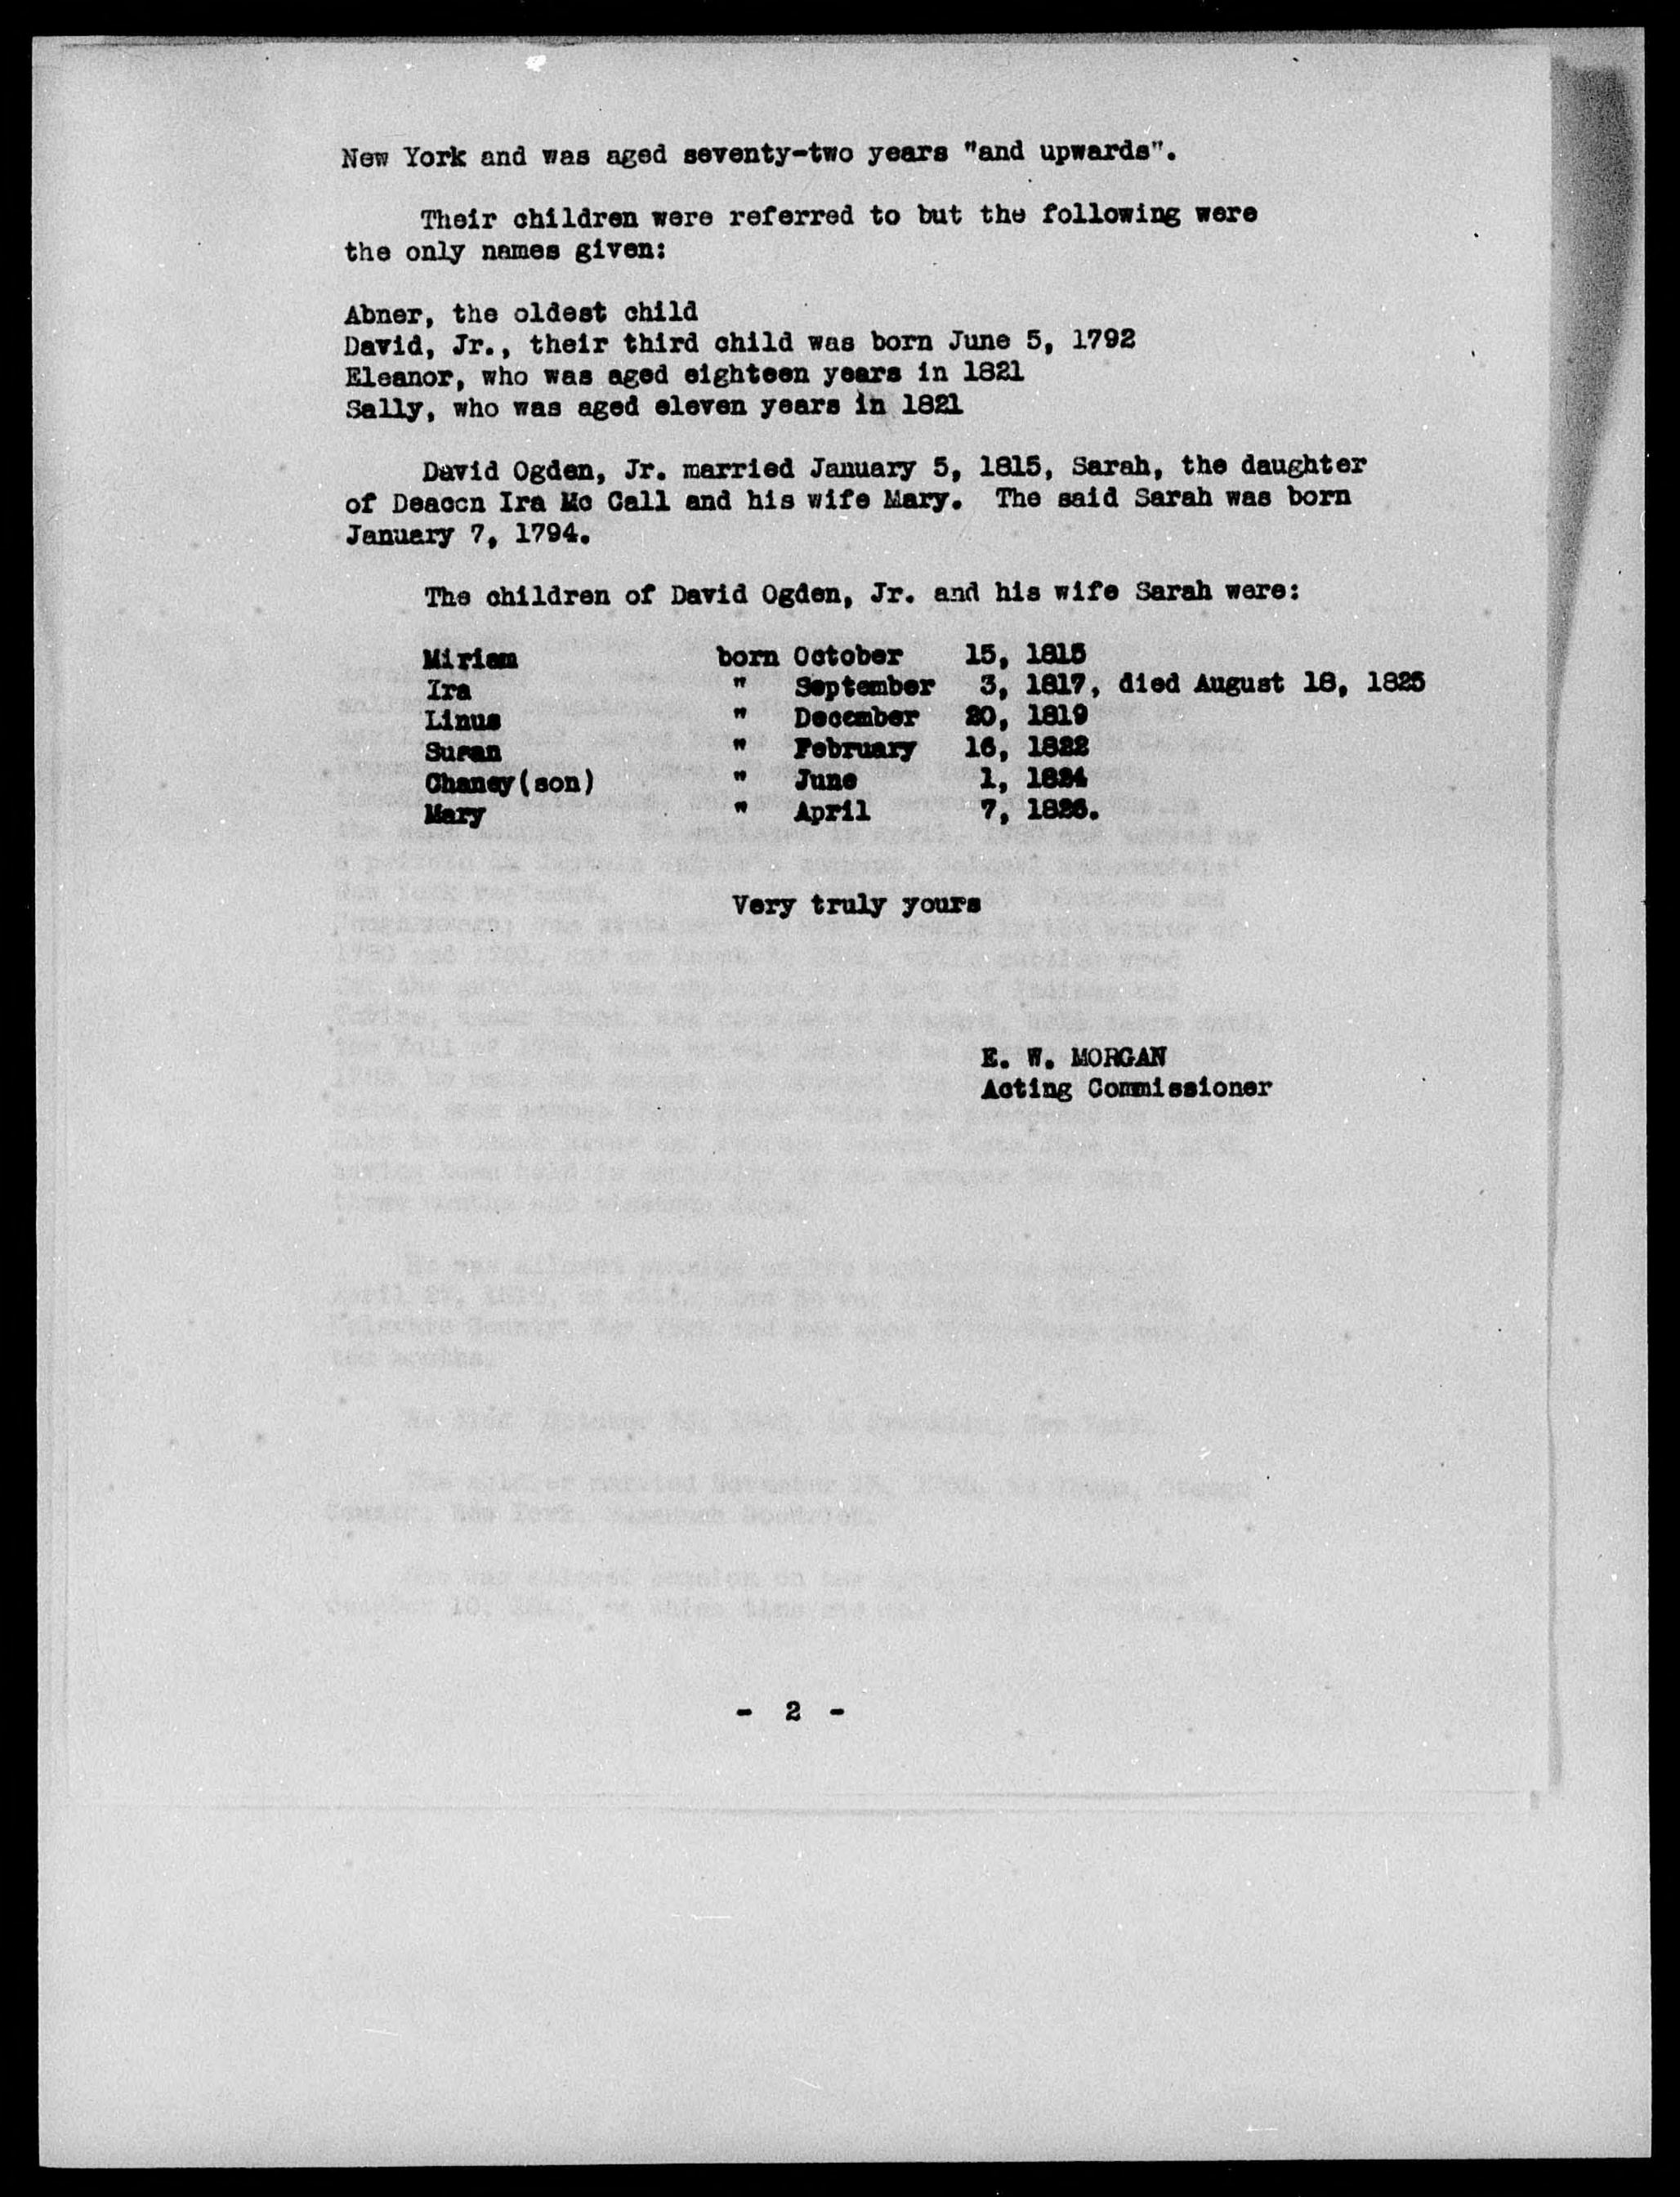New York and was aged seventy-two years "and upwards"
Their children were referred to but the following were
the only names given:

Abner, the oldest child
David, Jr., their third child was born June 5, 1792
Eleanor, who was aged eighteen years in 1821
Sally, who was aged eleven years in 1821

David Ogden, Jr. married January 5, 1815, Sarah, the daughter
of Deacon Ira Mc Call and his wife Mary.  The said Sarah was born
January 7, 1794.

The children of David Ogden, Jr. and his wife Sarah were:
Miriam born October 15, 1815
Ira " September 3, 1817, died August 18, 1825
Linus " December 20, 1819
Susan " February 16, 1822
Chaney (son) " June 1, 1824
Mary " April 7, 1826.

Very truly yours

E. W. MORGAN
Acting Commissioner

- 2 -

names: Sarah [BLANK]; Sally [BLANK]; David Ogden; Miriam [BLANK]; Chancy [BLANK]; Linus [BLANK]; Susan [BLANK]; David [BLANK]; E W Morgan; Ira Mc Call; Eleanor [BLANK]; Abner [BLANK]; Mary [BLANK]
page: 24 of 40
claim: widow's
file: W. 24364, for David Ogden, New York